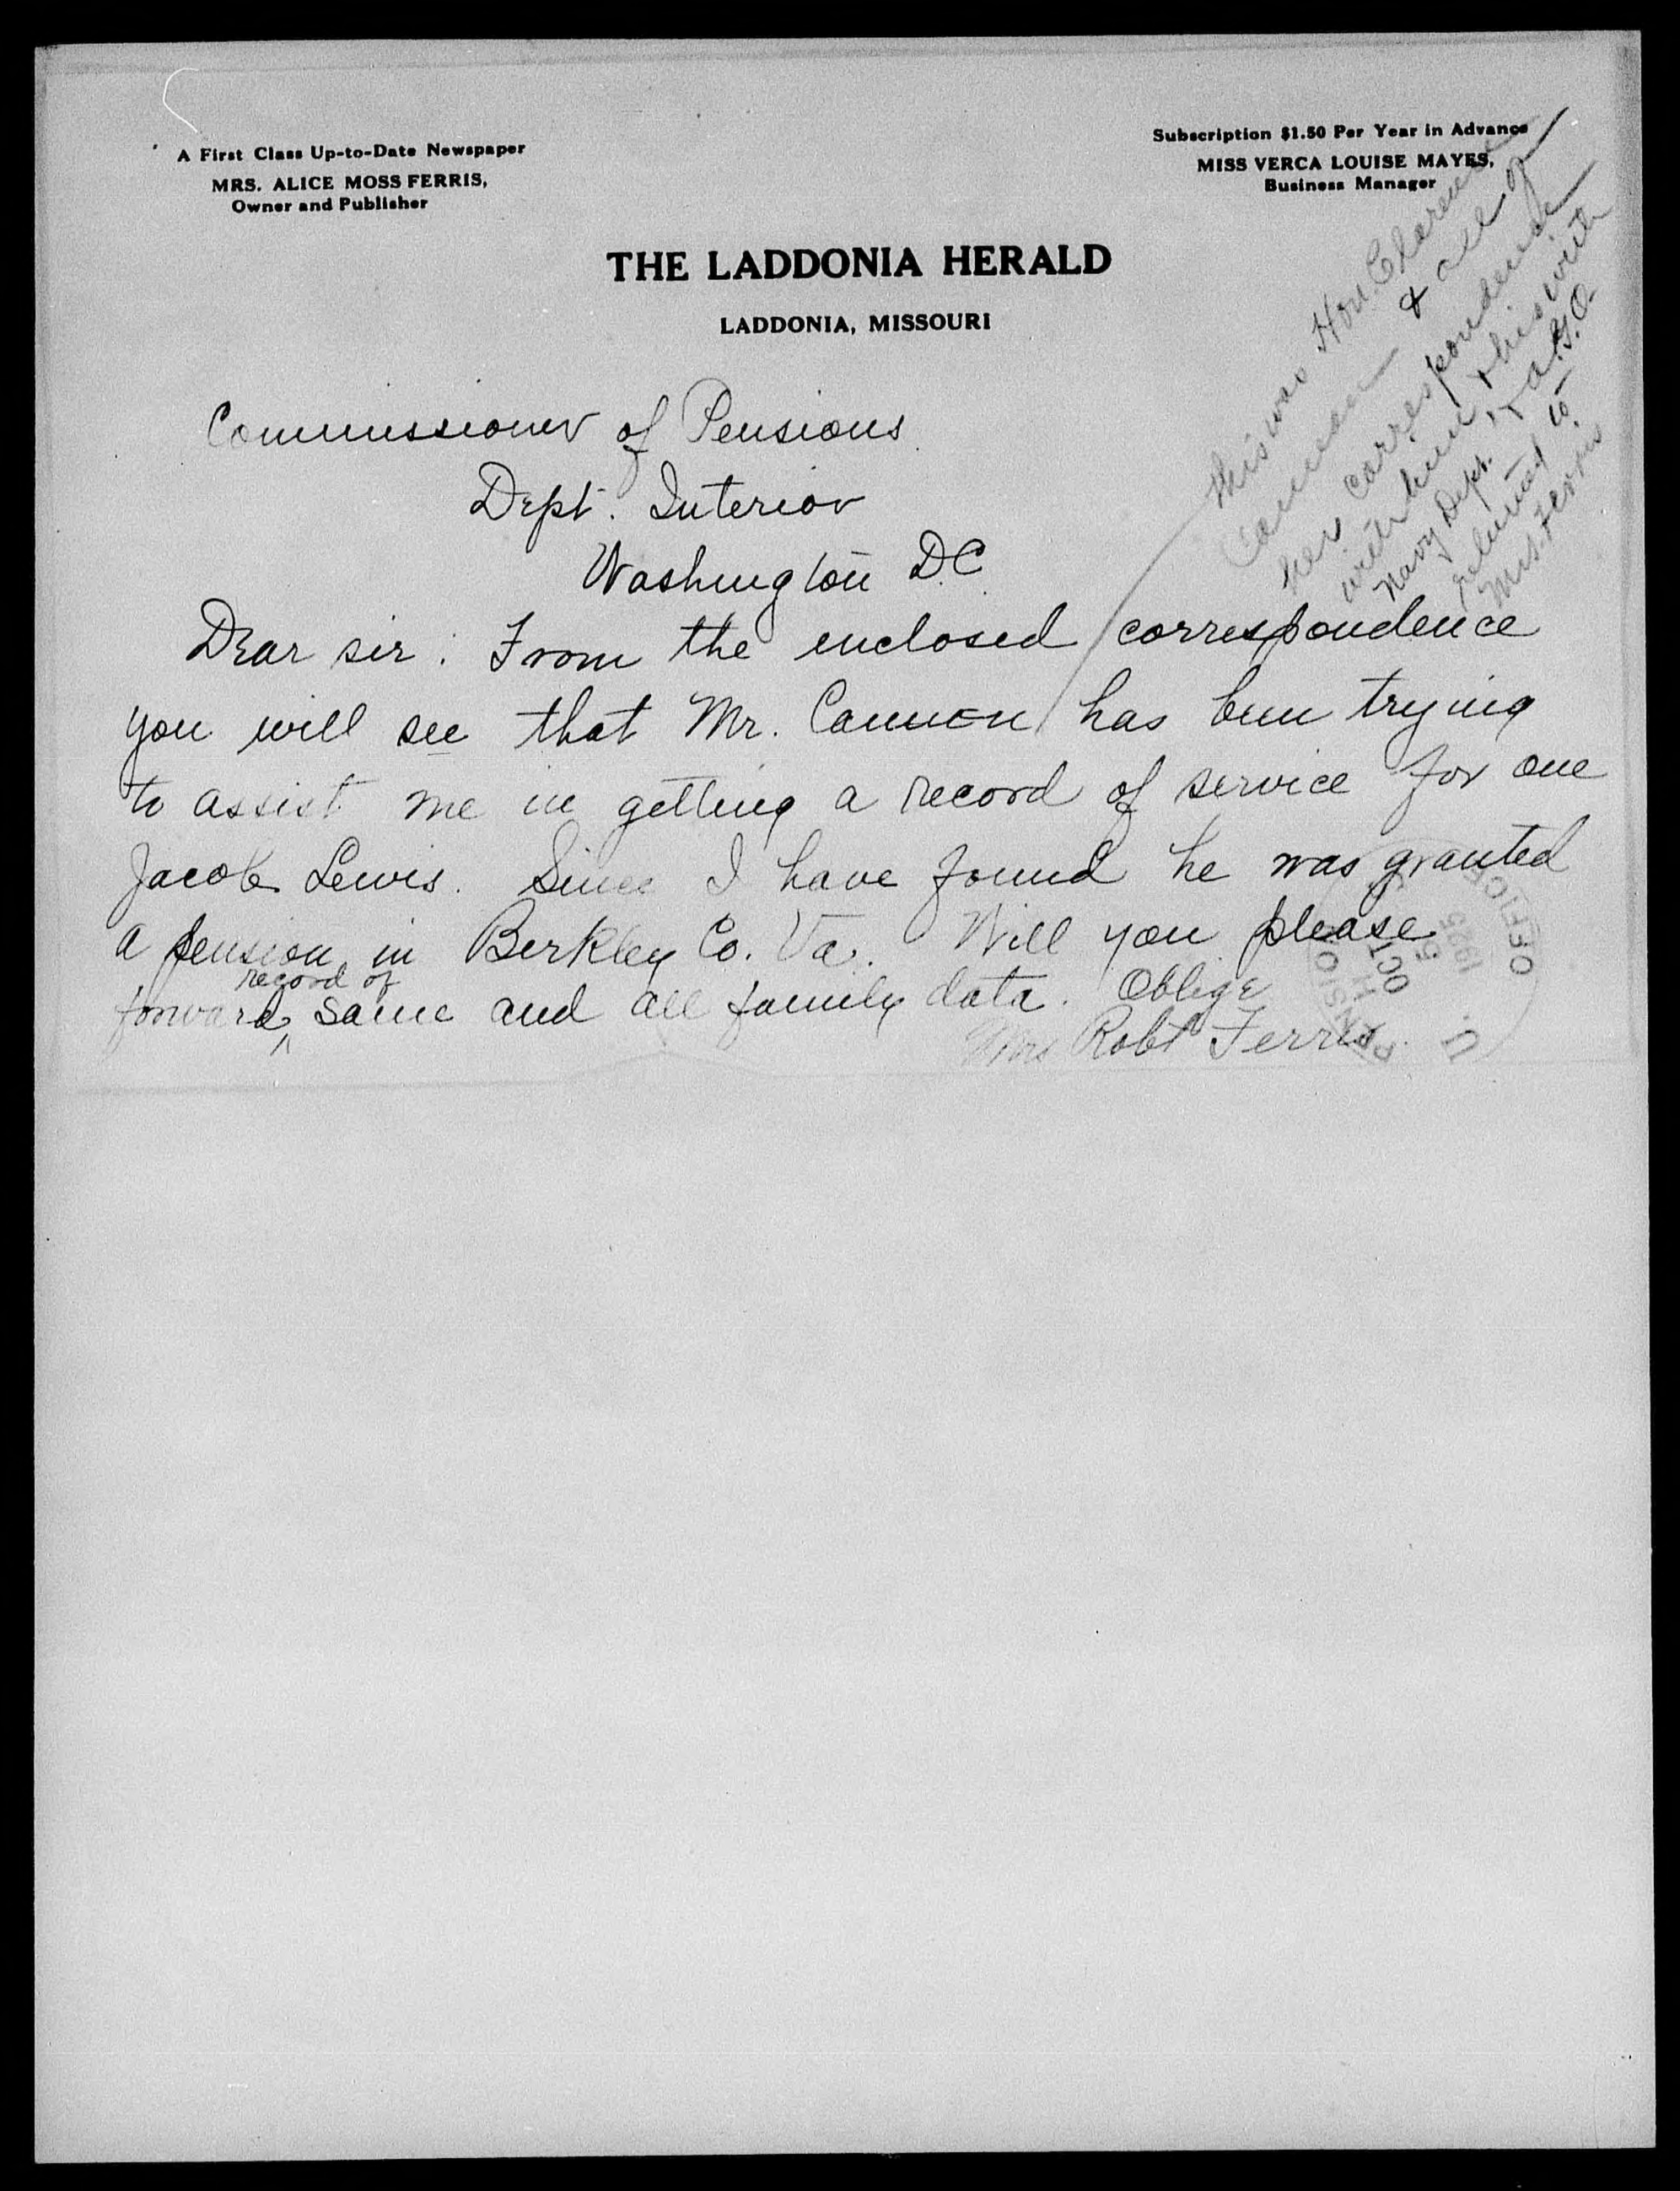First Class Up-to-Date Newspaper
MRS. ALICE MOSS FERRIS,
Owner and Publisher

Subscription $1.50 Per Year in Advance
MISS VERCA LOUISE MAYES,
Business Manager

THE LADDONIA HERALD
LADDONIA, MISSOURI


Commissioner of Pensions
Dept: Interior
Washington DC
Dear Sir: From the enclosed correspondence you will see that Mr. Cannon has been trying to assist me in getting a record of service for one Jacob Lewis.  Since I have found he was granted a pension in Berkley Co. Va.  Will you please forward record of same and all family data.  Oblige
Mrs Robt Ferris

[Stamp:]
U.S. PENSION OFFICE
H  OCT 4  1925

This was Hon. Clarence Cannon & all of her correspondence with him & his with Navy Dept. & A.G.O.returned to Mrs. Ferris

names: Robt Ferris; Alice Moss Ferris; Verca Louise Mayes; Jacob Lewis; [BLANK] Cannon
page: 32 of 69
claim: widow's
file: W 8044, for Jacob Lewis, Virginia